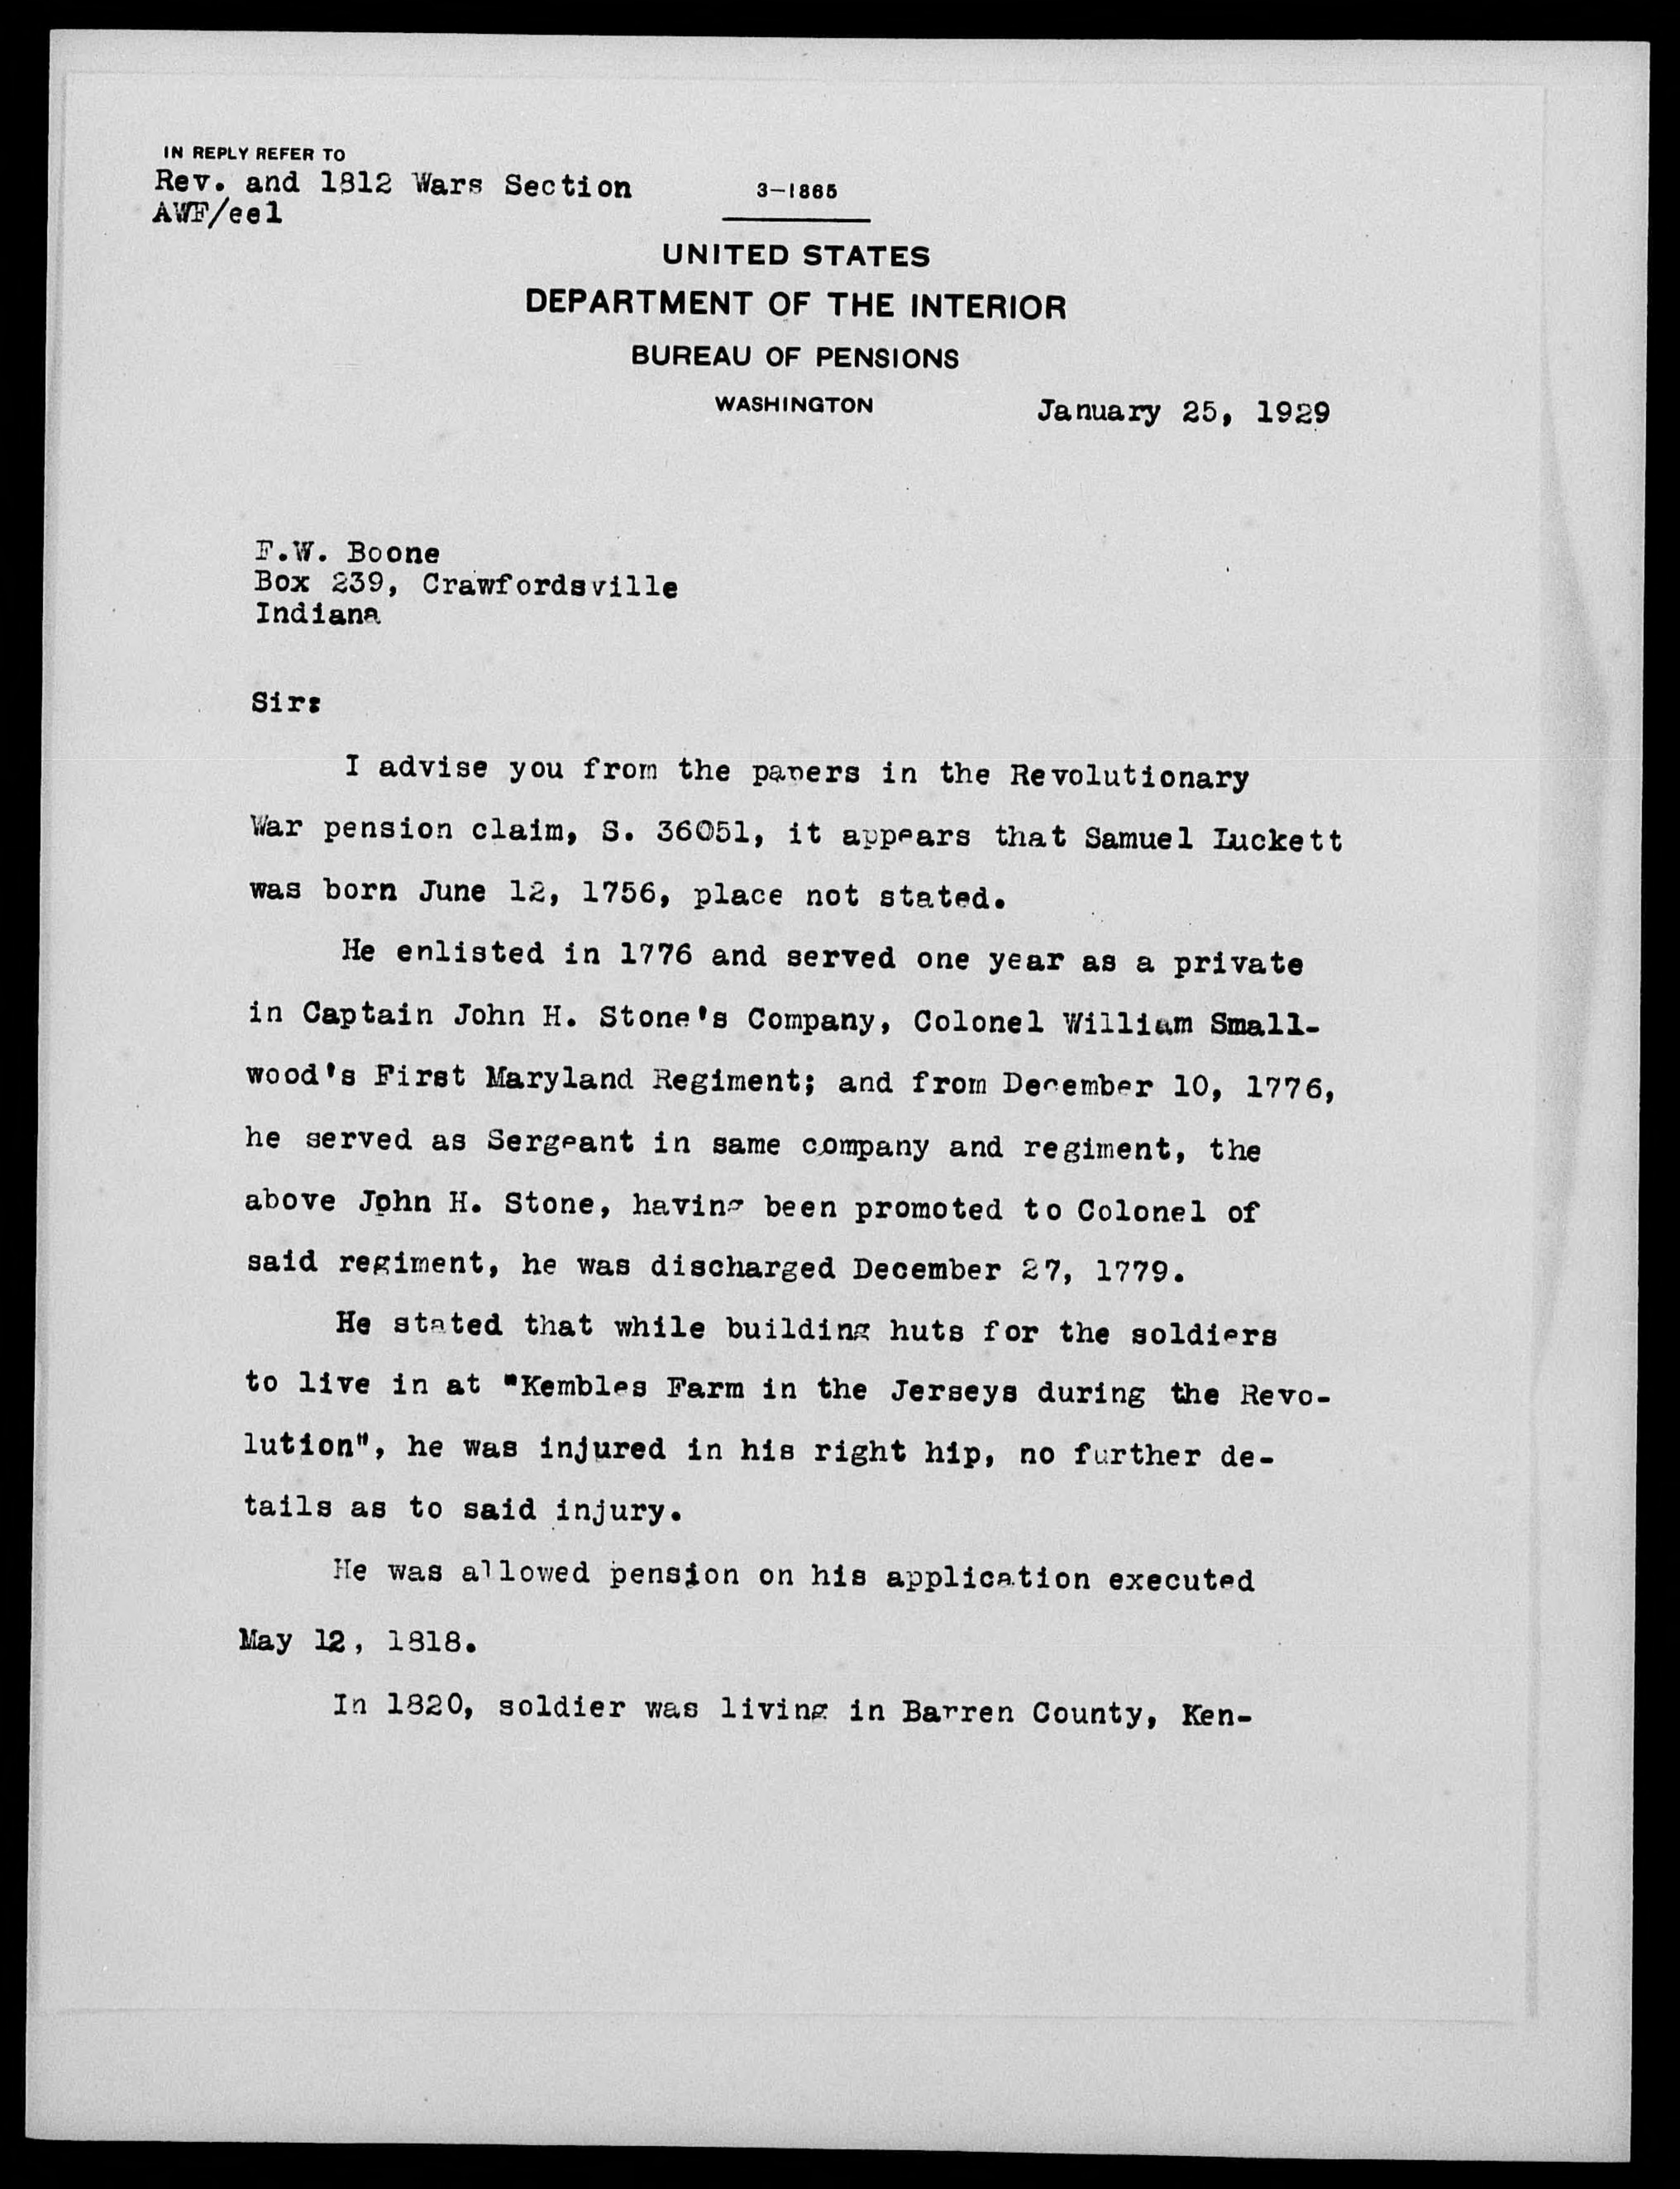IN REPLY REFER TO
Rev. and 1812 Wars Section
3-1865
AWF/eel
UNITED STATES
DEPARTMENT OF THE INTERIOR
BUREAU OF PENSIONS
WASHINGTON 
January 25, 1929
F.W. Boone
Box 239, Crawfordsville
Indiana
Sir:
I advise you from the papers in the Revolutionary War pension claim, S. 36051, it appears that Samuel Luckett was born June 12, 1756, place not stated.
He enlisted in 1776 and served one year as a private in Captain John H. Stone's company, Colonel William Smallwood's Maryland Regiment, length of service nearly a year; he reenlisted December 10, 1776, and served as sergeant in Colonel John H. Stone's 1" Maryland Regiment, and was discharged December 27, 1779. He stated that while building huts for the soldiers to live in at "Kembles Farm in the Jerseys during the Revolution", he was injured in his right hip, no further details as to said injury.
He was subsequently commissioned by the Governor and Council of Maryland, ensign of Captain Archibald Golden's company, Colonel Hall's regiment, was promoted to the rank of lieutenant, length of service under this commission, ten months.
He was allowed pension on his application executed May 12, 1818, in Barren County, Kentucky.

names: Samuel Luckett; John H Stone; F W Boone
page: 23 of 34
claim: survivor's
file: S. 36,051, for Samuel Luckett, Maryland